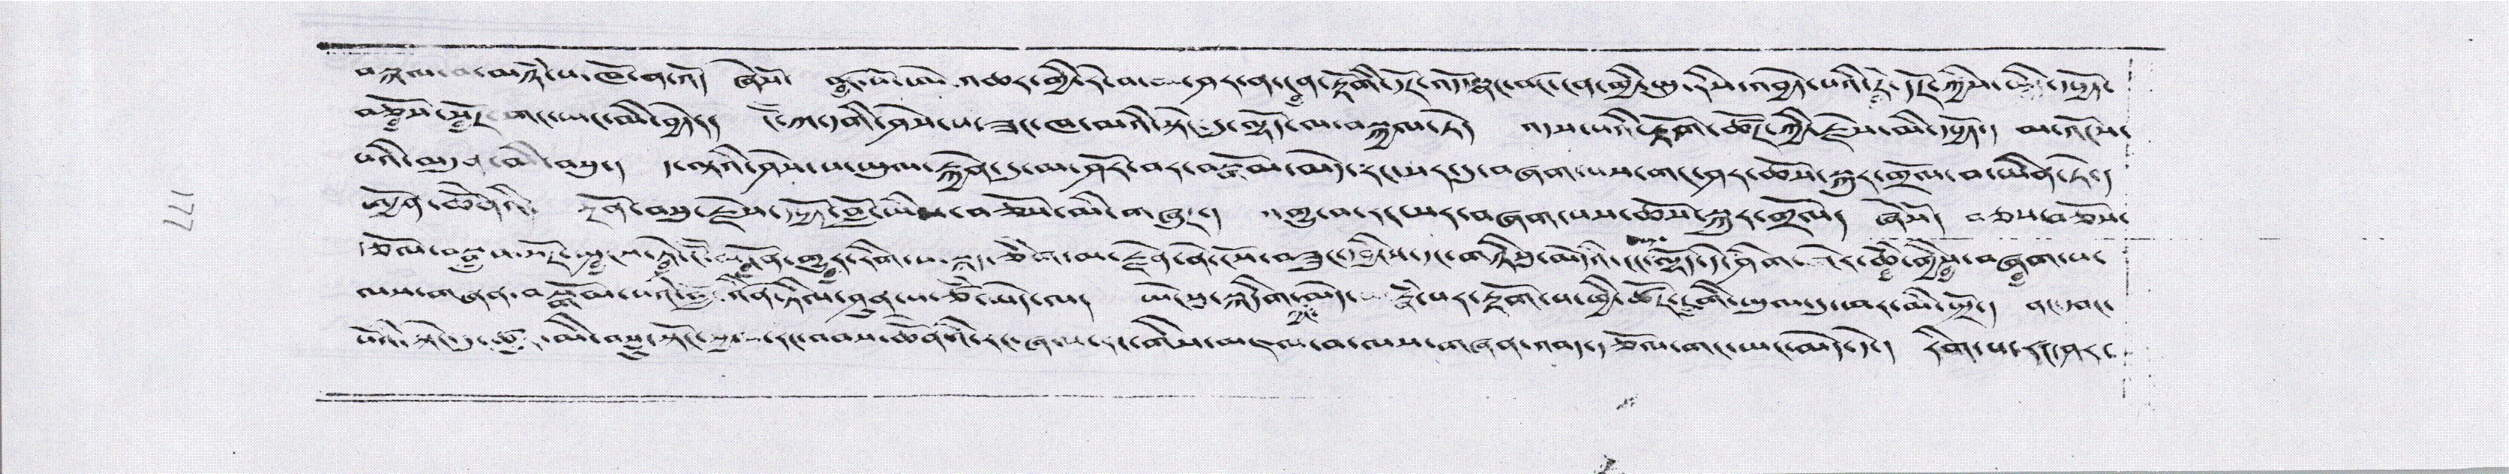སྐལ་པ་མཉམ་པ་ཁོ་ནའོ། །བཟང་པོ་ཨེ་འཆར་གྱི་རེ་བ་མ་ཤར་ན་ངན་རྟོག་གི་དོགས་འོད་སྣང་བཟང་ངན་གྱི་སྤུ་རིས་འབྱེད་པའི་རེ་དྭོགས་ཀྱིས་ཡིད་དཔྱོད་
བཅོས་སོགས་གང་ཡང་མི་བྱེད་པར། ངོ་བོ་ཀ་དག་གི་ཤེས་པ་ཟང་ཀ་མའི་སྟེང་དུ་ལྷོད་ལ་བསྐྱལ་ཏེ། འདས་པའི་རྟོག་ཚོགས་ཀྱི་རྗེས་མི་དཔྱོད། མ་འོངས་
པའི་མདུན་མི་བསུ། ད་ལྟའི་ཤེས་པ་ཡུལ་རྐྱེན་དུ་མ་ཤོར་བར་བསྒོམ་མེད་རང་སར་དུ་བཞག་པས་གང་ཤར་ཆོས་སྐུར་གྲོལ་བ་ཡིན་ཏེ། 
ཨོ་རྒྱན་ཆེན་པོས། སྔོན་བསུ་རྗེས་དཔྱོད་བློ་ཡིས་བཅོས་མི་གཞུགས། འགྱུ་བ་རང་སར་བཞག་པས་ཆོས་སྐུར་གྲོལ། ཞེས་སོ། བཅས་བཅོས་
རྩོལ་སྒྲུབ་སོགས་སྤངས་ཏེ་ངོ་བོ་མངོན་གྱུར་རིག་པ་སྐད་ཅིག་མ་རྗེན་ནེ་ངོས་བཟུང་དབྱིངས་དང་གཉིས་སུ་མེད་པའི་ངང་ལ་ལྷོད་དེ་ཤིག་གེར་ཆམ་གྱིས་བཞག་པ་
ལས་གཞན་བསྒོམ་པའི་བློ་འཛིན་ཏིལ་གྱི་ཤུན་པ་ཙམ་མེད་ལ། ཡེངས་སུ་སྐད་ཅིག་ཀྱང་མེད་པར་རྣམ་པར་རྟོག་པ་ཕྱི་ཚོགས་དྲུག་གི་ཡུལ་དུ་གར་མི་སྤྲོ། ནང་དབང་
པོའི་སྟེང་དུ་ཚུར་མི་བསྡུ། སྟོང་གསལ་རང་བབ་ཆེན་པོའི་རང་ཞལ་རང་གིས་འཇལ་བ་ལས་གཞན་འབད་རྩོལ་གང་ཡང་མེད་དེ། རིག་པ་རང་ཤར་